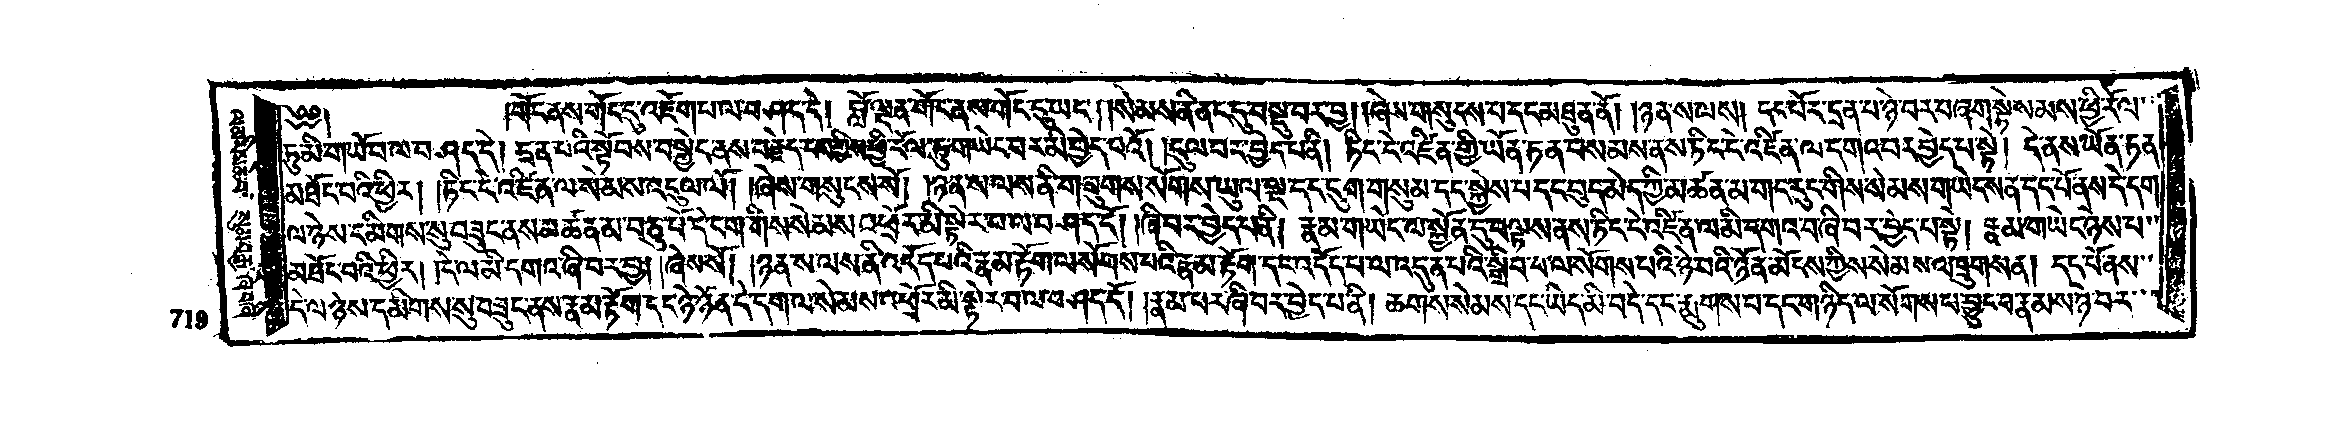༄༅། །གོང་ནས་གོང་དུ་འཇོག་པ་ལ་བཤད་དེ། བློ་ལྡན་གོང་ནས་གོང་དུ་ཡང་། །སེམས་ནི་ནང་དུ་བསྡུ་བར་བྱ། །ཞེས་གསུངས་པ་དང་མཐུན་ནོ། །ཉན་ས་ལས། དང་པོར་དྲན་པ་ཉེ་བར་བཞག་སྟེ་སེམས་ཕྱི་རོལ་
ཏུ་མི་གཡོ་བ་ལ་བཤད་དེ། དྲན་པའི་སྟོབས་བསྐྱེད་ནས་བརྗེད་ངས་ཀྱིས་ཕྱི་རོལ་ཏུ་གཡེང་བར་མི་བྱེད་པའོ། །དུལ་བར་བྱེད་པ་ནི། ཏིང་ངེ་འཛིན་གྱི་ཡོན་ཏན་བསམས་ནས་ཏིང་ངེ་འཛིན་ལ་དགའ་བར་བྱེད་པ་སྟེ། དེ་ནས་ཡོན་ཏན་
མཐོང་བའི་ཕྱིར། །ཏིང་ངེ་འཛིན་ལ་སེམས་འདུལ་ལོ། །ཞེས་གསུངས་སོ། །ཉན་ས་ལས་ནི་གཟུགས་སོགས་ཡུལ་ལྔ་དང་དུག་གསུམ་དང་སྐྱེས་པ་དང་བུད་མེད་ཀྱི་མཚན་མ་གང་རུང་གིས་སེམས་གཡེངས་ན་དང་པོ་ནས་དེ་དག་
ལ་ཉེས་དམིགས་སུ་བཟུང་ནས་མཚན་མ་བཅུ་པོ་དེ་དག་གིས་སེམས་འཕྲོར་མི་སྟེར་བ་ལ་བཤད་དོ། །ཞི་བར་བྱེད་པ་ནི། རྣམ་གཡེང་ལ་སྐྱོན་དུ་བལྟས་ནས་ཏིང་ངེ་འཛིན་ལ་མི་དགའ་བ་ཞི་བར་བྱེད་པ་སྟེ། རྣམ་གཡེང་ཉེས་པ་
མཐོང་བའི་ཕྱིར། །དེ་ལ་མི་དགའ་ཞི་བར་བྱ། །ཞེས་སོ། །ཉན་ས་ལས་ནི་འདོད་པའི་རྣམ་རྟོག་པ་སོགས་པའི་རྣམ་རྟོག་དང་འདོད་པ་ལ་འདུན་པའི་སྒྲིབ་པ་ལ་སོགས་པའི་ཉེ་བའི་ཉོན་མོངས་ཀྱིས་སེམས་འཁྲུགས་ན། དང་པོ་ནས་
དེ་ལ་ཉེས་དམིགས་སུ་བཟུང་ནས་རྣམ་རྟོག་དང་ཉེ་ཉོན་དེ་དག་ལ་སེམས་འཕྲོར་མི་སྟེར་བ་ལ་བཤད་དོ། །རྣམ་པར་ཞི་བར་བྱེད་པ་ནི། ཆགས་སེམས་དང་ཡིད་མི་བདེ་དང་རྨུགས་པ་དང་གཉིད་ལ་སོགས་པ་བྱུང་བ་རྣམས་ཉེ་བར་